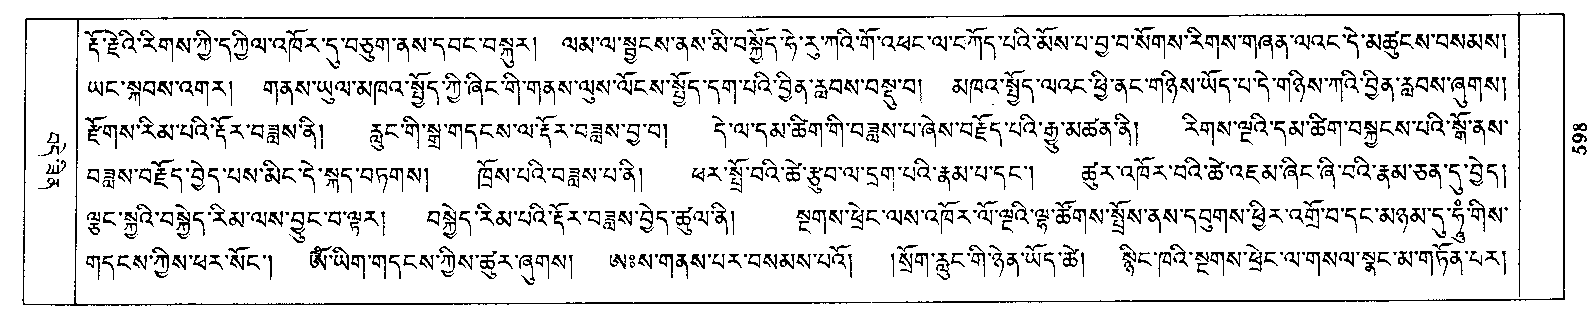རྡོ་རྗེའི་རིགས་ཀྱི་དཀྱིལ་འཁོར་དུ་བཅུག་ནས་དབང་བསྐུར། ལམ་ལ་སྦྱངས་ནས་མི་བསྐྱོད་ཧེ་རུ་ཀའི་གོ་འཕང་ལ་བཀོད་པའི་མོས་པ་བྱ་བ་སོགས་རིགས་གཞན་ལའང་དེ་མཚུངས་བསམས།
ཡང་སྐབས་འགར། གནས་ཡུལ་མཁའ་སྤྱོད་ཀྱི་ཞིང་གི་གནས་ལུས་ལོངས་སྤྱོད་དག་པའི་བྱིན་རླབས་བསྡུ་བ། མཁའ་སྤྱོད་ལའང་ཕྱི་ནང་གཉིས་ཡོད་པ་དེ་གཉིས་ཀའི་བྱིན་རླབས་ཞུགས།
རྫོགས་རིམ་པའི་རྡོར་བཟླས་ནི། རླུང་གི་སྒྲ་གདངས་ལ་རྡོར་བཟླས་བྱ་བ། དེ་ལ་དམ་ཚིག་གི་བཟླས་པ་ཞེས་བརྗོད་པའི་རྒྱུ་མཚན་ནི། རིགས་ལྔའི་དམ་ཚིག་བསྐྱངས་པའི་སྒོ་ནས་
བཟླས་བརྗོད་བྱེད་པས་མིང་དེ་སྐད་བཏགས། ཁྲོས་པའི་བཟླས་པ་ནི། ཕར་སྤྲོ་བའི་ཚེ་རྩུབ་ལ་དྲག་པའི་རྣམ་པ་དང་། ཚུར་འཁོར་བའི་ཚེ་འཇམ་ཞིང་ཞི་བའི་རྣམ་ཅན་དུ་བྱེད།
ལྕང་སྐྱའི་བསྐྱེད་རིམ་ལས་བྱུང་བ་ལྟར། བསྐྱེད་རིམ་པའི་རྡོར་བཟླས་བྱེད་ཚུལ་ནི། སྔགས་ཕྲེང་ལས་འཁོར་ལོ་ལྔའི་ལྷ་ཚོགས་སྤྲོས་ནས་དབུགས་ཕྱིར་འགྲོ་བ་དང་མཉམ་དུ་ཧཱུཾ་གིས་
གདངས་ཀྱིས་ཕར་སོང་། ཨོཾ་ཡིག་གདངས་ཀྱིས་ཚུར་ཞུགས། ཨཿ ས་གནས་པར་བསམས་པའོ། །སྲོག་རླུང་གི་ཉེན་ཡོད་ཚེ། སྙིང་ཁའི་སྔགས་ཕྲེང་ལ་གསལ་སྣང་མ་གཏོན་པར།